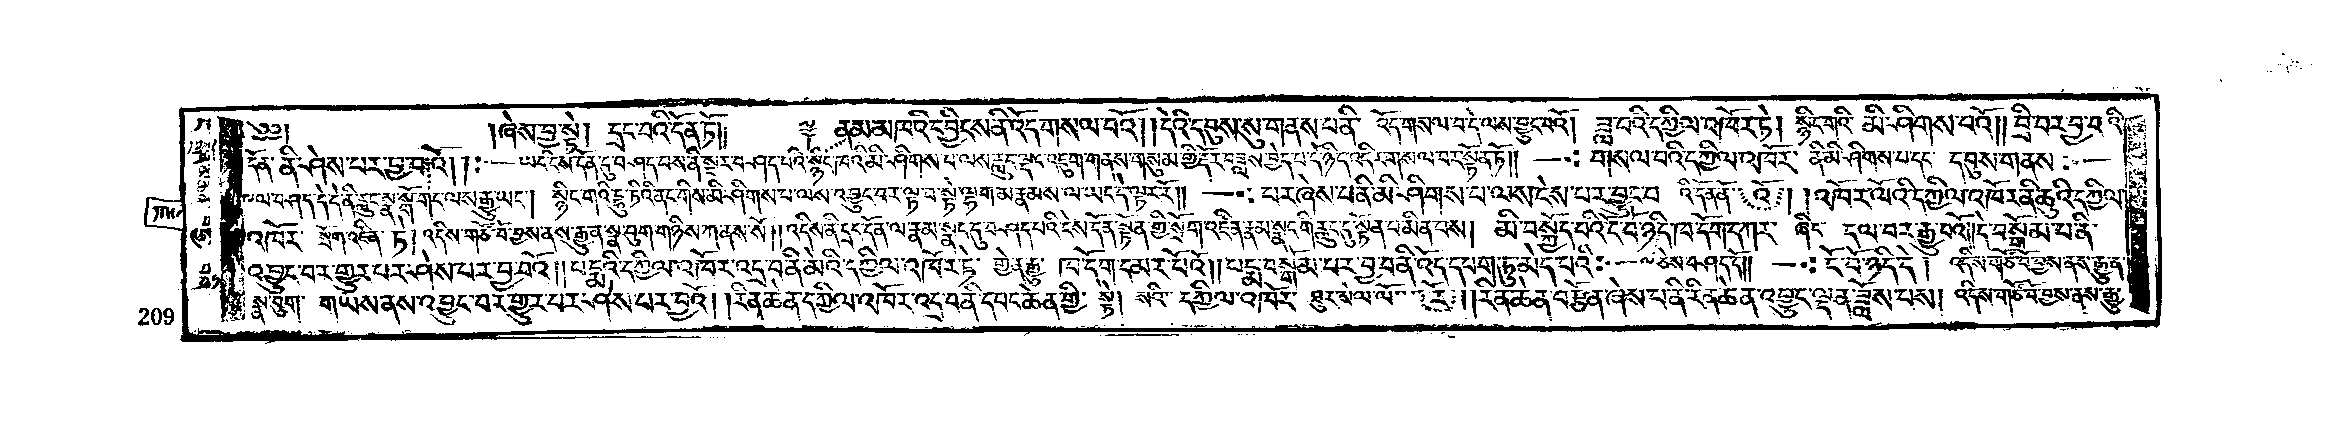༄༅། །ཞེས་བྱ་སྟེ། དྲང་བའི་དོན་ཏོ།། ༈ ནམ་མཁའི་དབྱིངས་ནི་འོད་གསལ་བའོ། །དེའི་དབུས་སུ་གནས་པ་ནི་འོད་གསལ་བ་དེ་ལས་བྱུང་བའོ།  ཟླ་བའི་དཀྱིལ་འཁོར་ཏེ། སྙིང་གའི་མི་ཤིགས་པའོ། །བྲི་བར་བྱ་བའི་
དོན་ནི་ཤེས་པར་བྱ་བའོ།། ཡང་ངེས་དོན་དུ་བཤད་པས་ནི་སྔར་བཤད་པའི་སྙིང་ཁའི་མི་ཤིགས་པ་ལས་རླུང་ལྡང་འཇུག་གནས་གསུམ་གྱི་རྡོར་བཟླས་བྱེད་པ་དེ་ཉིད་འདིར་གསལ་བར་སྟོན་ཏོ།།  གསལ་བའི་དཀྱིལ་འཁོར་ནི་མི་ཤིགས་པ་དང་དབུས་གནས་
༧ལ་བཤད་དེ་དེ་ནི་རླུང་སྣ་སྒོ་གང་ལས་རྒྱུ་ཡང་། སྙིང་གའི་དྷུ་ཏིའི་ནང་གིས་མི་ཤིགས་པ་ལས་འབྱུང་བར་ལྟ་བ་སྟེ་ལྷག་མ་རྣམས་ལ་ཡང་དེ་ལྟར་རོ།།  པར་ཞེས་པ་ནི་མི་ཤིགས་པ་ལས་ངེས་པར་བྱུང་བའི་དོན་ནོ་འོ། །འཁོར་ལོའི་དཀྱིལ་འཁོར་ནི་ཆུའི་དཀྱིལ་
འཁོར་སྲོག་འཛིན་ཏེ། འདིས་གཙོ་བོ་བྱས་ནས་རྒྱུ་ན་སྣ་བུག་གཉིས་ཀ་ནས་སོ། །འདིས་ནི་དྲང་དོན་ལ་རྣམ་སྣང་དུ་བཤད་པའི་ངེས་དོན་སྟོན་གྱི་སྲོག་འཛིན་རྣམ་སྣང་གི་རླུང་དུ་སྟོན་པ་མིན་པས།  མི་བསྐྱོད་པའི་ངོ་བོ་ཉིད་ཁ་དོག་དཀར་ཞིང་དལ་བར་རྒྱུ་བའོ། །དེ་བསྒོམ་པ་ནི་
འབྱུང་བར་གྱུར་པར་ཤེས་པར་བྱ་བའོ། །པདམའི་དཀྱིལ་འཁོར་འདྲ་བ་ནི་མེའི་དཀྱིལ་འཁོར་ཏེ་གྱེན་རྒྱུ་ཁ་དོག་དམར་པོའོ། །པདམ་བསྒོམ་པར་བྱ་བ་ནི་འོད་དཔག་ཏུ་མེད་པའི་༧ཅེས་བཤད་དོ།།  ངོ་བོ་ཉིད་དེ། འདིས་གཙོ་བོ་བྱས་ནས་རྒྱུ་ན་
སྣ་བུག་གཡས་ནས་འབྱུང་བར་གྱུར་པར་ཤེས་པར་བྱའོ། །རིན་ཆེན་དཀྱིལ་འཁོར་འདྲ་བ་ནི་དབང་ཆེན་གྱི་སྟེ། སའི་དཀྱིལ་འཁོར་ཐུར་སེལ་ལོ་རོ། །རིན་ཆེན་བརྩོན་ཞེས་པ་ནི་རིན་ཆེན་འབྱུང་ལྡན་ཟློས་པས། འདིས་གཙོ་བོ་བྱས་ནས་རྒྱུ་